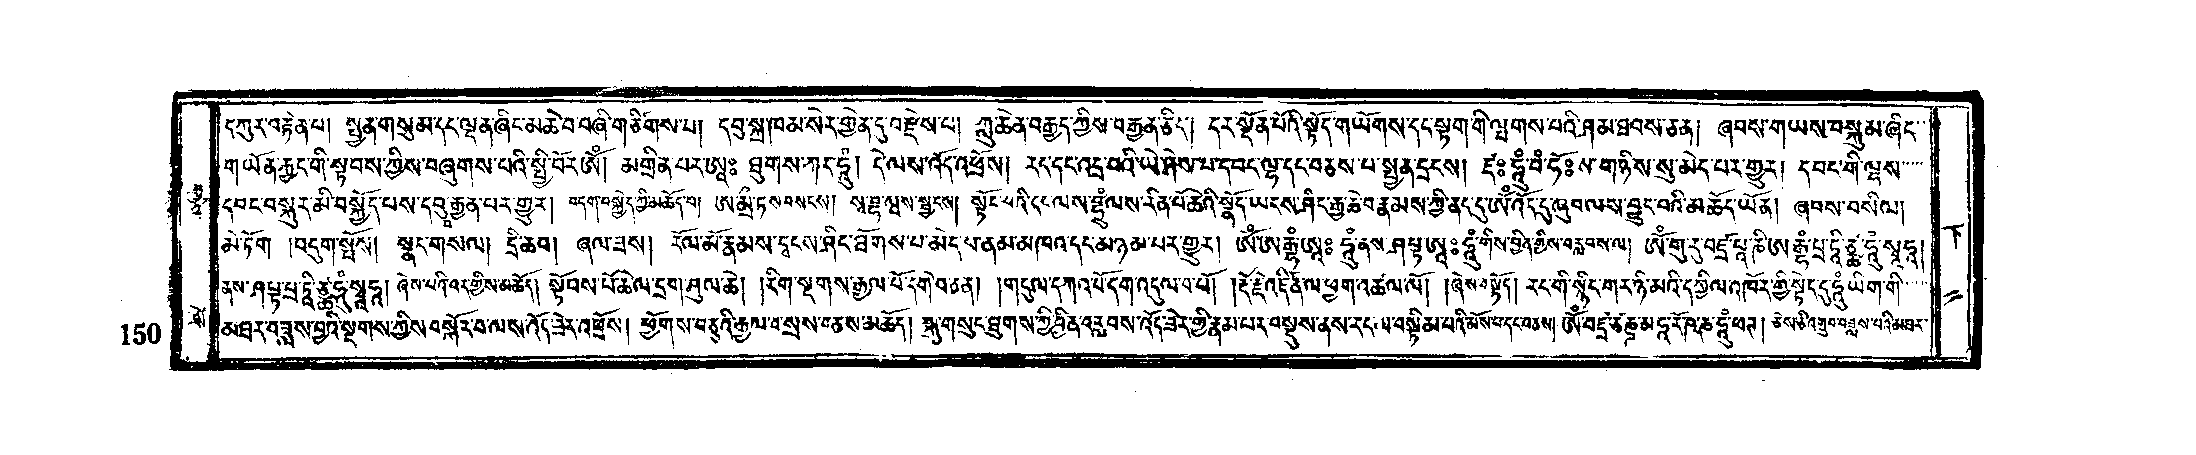དཀུར་བརྟེན་པ། སྤྱན་གསུམ་དང་ལྡན་ཞིང་མཆེ་བ་བཞི་གཙིགས་པ། དབུ་སྐྲ་ཁམ་སེར་གྱེན་དུ་བརྫེས་པ། ཀླུ་ཆེན་བརྒྱད་ཀྱིས་བརྒྱན་ཅིང་། དར་སྔོན་པོའི་སྟོད་གཡོགས་དང་སྟག་གི་ལྤགས་པའི་ཤམ་ཐབས་ཅན། ཞབས་གཡས་བསྐུམ་ཞིང་
གཡོན་རྐྱང་གི་སྟབས་ཀྱིས་བཞུགས་པའི་སྤྱི་བོར་ཨོཾ། མགྲིན་པར་ཨཱཿ ཐུགས་ཀར་ཧཱུཾ། དེ་ལས་འོད་འཕྲོས། རང་དང་འདྲ་བའི་ཡེ་ཤེས་པ་དབང་ལྷ་དང་བཅས་པ་སྤྱན་དྲངས། ཛཿ ཧཱུཾ་བཾ་ཧོཿ ས་གཉིས་སུ་མེད་པར་གྱུར། དབང་གི་ལྷས་
དབང་བསྐུར་མི་བསྐྱོད་པས་དབུ་བརྒྱན་པར་གྱུར། བདག་བསྐྱེད་ཀྱི་མཆོད་པ། ཨ་མྲྀ་ཏས་བསངས། སྭ་བྷ་ཝས་སྦྱངས། སྟོང་པའི་ངང་ལས་བྷྲུཾ་ལས་རིན་པོ་ཆེའི་སྣོད་ཡངས་ཤིང་རྒྱ་ཆེ་བ་རྣམས་ཀྱི་ནང་དུ་ཨོཾ་འོད་དུ་ཞུ་བ་ལས་བྱུང་བའི་མཆོད་ཡོན། ཞབས་བསིལ།
མེ་ཏོག །བདུག་སྤོས། སྣང་གསལ། དྲི་ཆབ། ཞལ་ཟས། རོལ་མོ་རྣམས་དྭངས་ཤིང་ཐོགས་པ་མེད་པ་ནམ་མཁའ་དང་མཉམ་པར་གྱུར། ཨོཾ་ཨརྒྷཾ་ཨཱཿ ཧཱུཾ་ནས་ཤཔྟ་ཨཱཿ ཧཱུཾ་གིས་བྱིན་གྱིས་བརླབས་ལ། ཨོཾ་གུ་རུ་བཛྲ་པཱ་ཎི་ཨརྒྷཾ་པྲ་ཏཱི་ཙྪ་ཧཱུཾ་སྭཱཧཱ།
ནས་ཤཔྟ་པྲ་ཏཱི་ཙྪ་ཧཱུཾ་སྭཱཧཱ། ཞེས་པའི་བར་གྱིས་མཆོད། སྟོབས་པོ་ཆེ་ལ་དྲག་ཤུལ་ཆེ། །རིག་སྔགས་རྒྱལ་པོ་དགེ་བ་ཅན། །གདུལ་དཀའ་པོ་དག་འདུལ་བ་པོ། །རྡོ་རྗེ་འཛིན་ལ་ཕྱག་འཚལ་ལོ། །ཞེས་བསྟོད། རང་གི་སྙིང་གར་ཉི་མའི་དཀྱིལ་འཁོར་གྱི་སྟེང་དུ་ཧཱུཾ་ཡིག་གི་
མཐར་བཟླས་བྱའི་སྔགས་ཀྱིས་བསྐོར་བ་ལས་འོད་ཟེར་འཕྲོས། ཕྱོགས་བཅུའི་རྒྱལ་བ་སྲས་བཅས་མཆོད། སྐུ་གསུང་ཐུགས་ཀྱི་བྱིན་བརླབས་འོད་ཟེར་གྱི་རྣམ་པར་བསྡུས་ནས་རང་ལ་བསྟིམ་པའི་མོས་པ་དང་བཅས། ཨོཾ་བཛྲ་ཙཎྜལ་མཧཱ་རོ་ཥ་ཎ་ཧཱུཾ་ཕཊ། ཅེས་ཅི་འགྲུབ་བཟླས་པའི་མཐར་